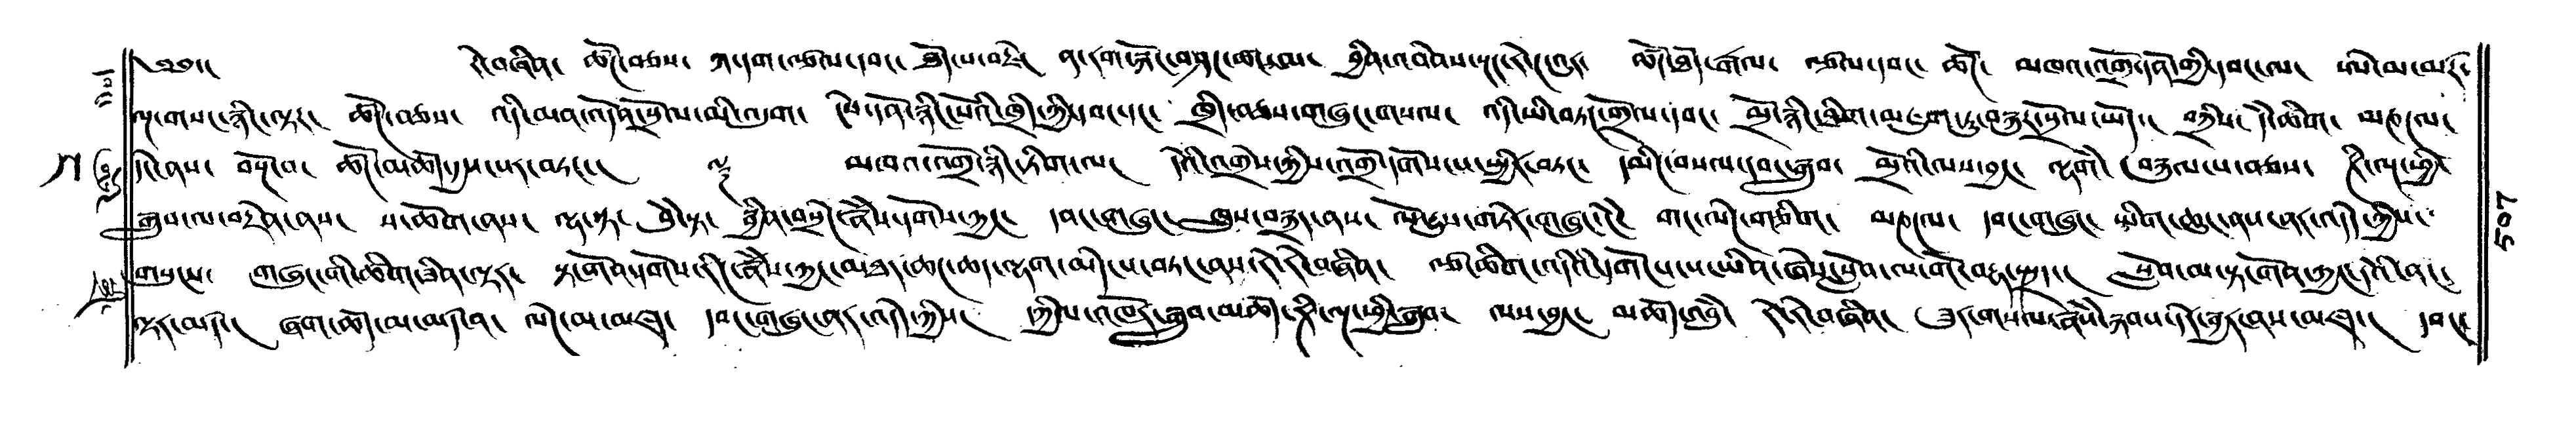རེ་བཞིན། ཚོགས་བཅས། ཀ་དག་རྩལ་དབང་ཐོད་པ་བརྗེ། ན་རག་སྐོང་བཤགས་ཚང་མ། བྱིན་འབེབས་སྔགས་རེ་ཌཱ་འུར། ཚོགས། ཐོད་རྒལ། རྩལ་དབང་། ཚོགས། མཁའ་འགྲོ་དོན་གྱི་དབང་ལ།ཨེ་མ་ཧོ།ངོ་མཚར༴ ཚར་
ལྔ་གསང་སྙིང་ལྟར། ཚོགས་བཅས། འདི་མན་འདོན་སྲོལ་མི་འདུག ངེས་དོན་སྙིང་པོའི་ཁྲིད་ཀྱི་དབང་དང་། ཁྲིད་བཅས་གཞུང་གསལ། འདི་ཡི་བཏགས་གྲོལ་དབང་། མཁའ་འགྲོ་སྙིང་ཐིག་མཇུག་ཏུ་བསྐུར་སྲོལ་ཡོད། བཀྲ་ཤིས། དམ་ཚིག མཎྜལ། 
དེང་ནས༴ བསྔོ་བ། ཚོགས་མཆོད་རྒྱས་པར་གཏང་། ༈ མཁའ་འགྲོ་སྙིང་ཏིག་ལ། དེའི་འགྲེས་ཀྱིས་འགྲོ་དགོས་པ་སྤྱིར་བཏང་། དམིགས་བསལ་དབང་སྒྲུབ། མཁའ་འགྲོའི་ལས་བྱང་། ལྷག་མ། བསྐུལ་པ་བཅས། རིགས་ལྔ་ཕྱི་
སྒྲུབ་ལ་བརྟེན་ནས། ས་ཆོག་ནས། ལྷ་སྟ། བུམ་སྟ། སྦྱིན་སྲེག་རྣམས་དགོས་ཀྱང་། དབང་གཞུང་། ཁྲུས་བསྐྲད་ནས། ལོ་རྒྱུས་གཏེར་གཞུང་། གང་ལེགས་གཅིག མཎྜལ། དབང་གཞུང་། ཡིག་ཆུང་ནས་ནར་འདེད་ཀྱིས་
གསུངས། གཞུང་གི་ཚིག་ཟིན་ལྟར། སྟ་གོན་དགོས་རིགས་རྣམས་ཀྱང་མཐར་ཆགས་ཆད་ལྷག་མེད་པ་བཏང་ནས་རེ་རེ་བཞིན་རྩ་ཚིག་འདིའི་དགོངས་པ་ཡིན་ཞེས་སློབ་མར་གོ་བརྡ་སྤྲད། སློབ་མ་སྟ་གོན་ཀྱང་དེའི་ནང་
ལྟར་མཛད། ཞག་ཆོད་མ་མཛད་ན། ལོགས་ལ་མཛད། དབང་གཞུང་ནར་འདེད་ཀྱིས། དཀྱིལ་འཁོར་སྒྲུབ་མཆོད་རིགས་ལྔ་ཕྱི་སྒྲུབ། ལས་བྱང་། མཆོད་འབུམ། རེ་རེ་བཞིན། ཟུར་གསལ་རྣམས་སྐབས་དེར་སྦྱར་ནས་མཛད། དབང་